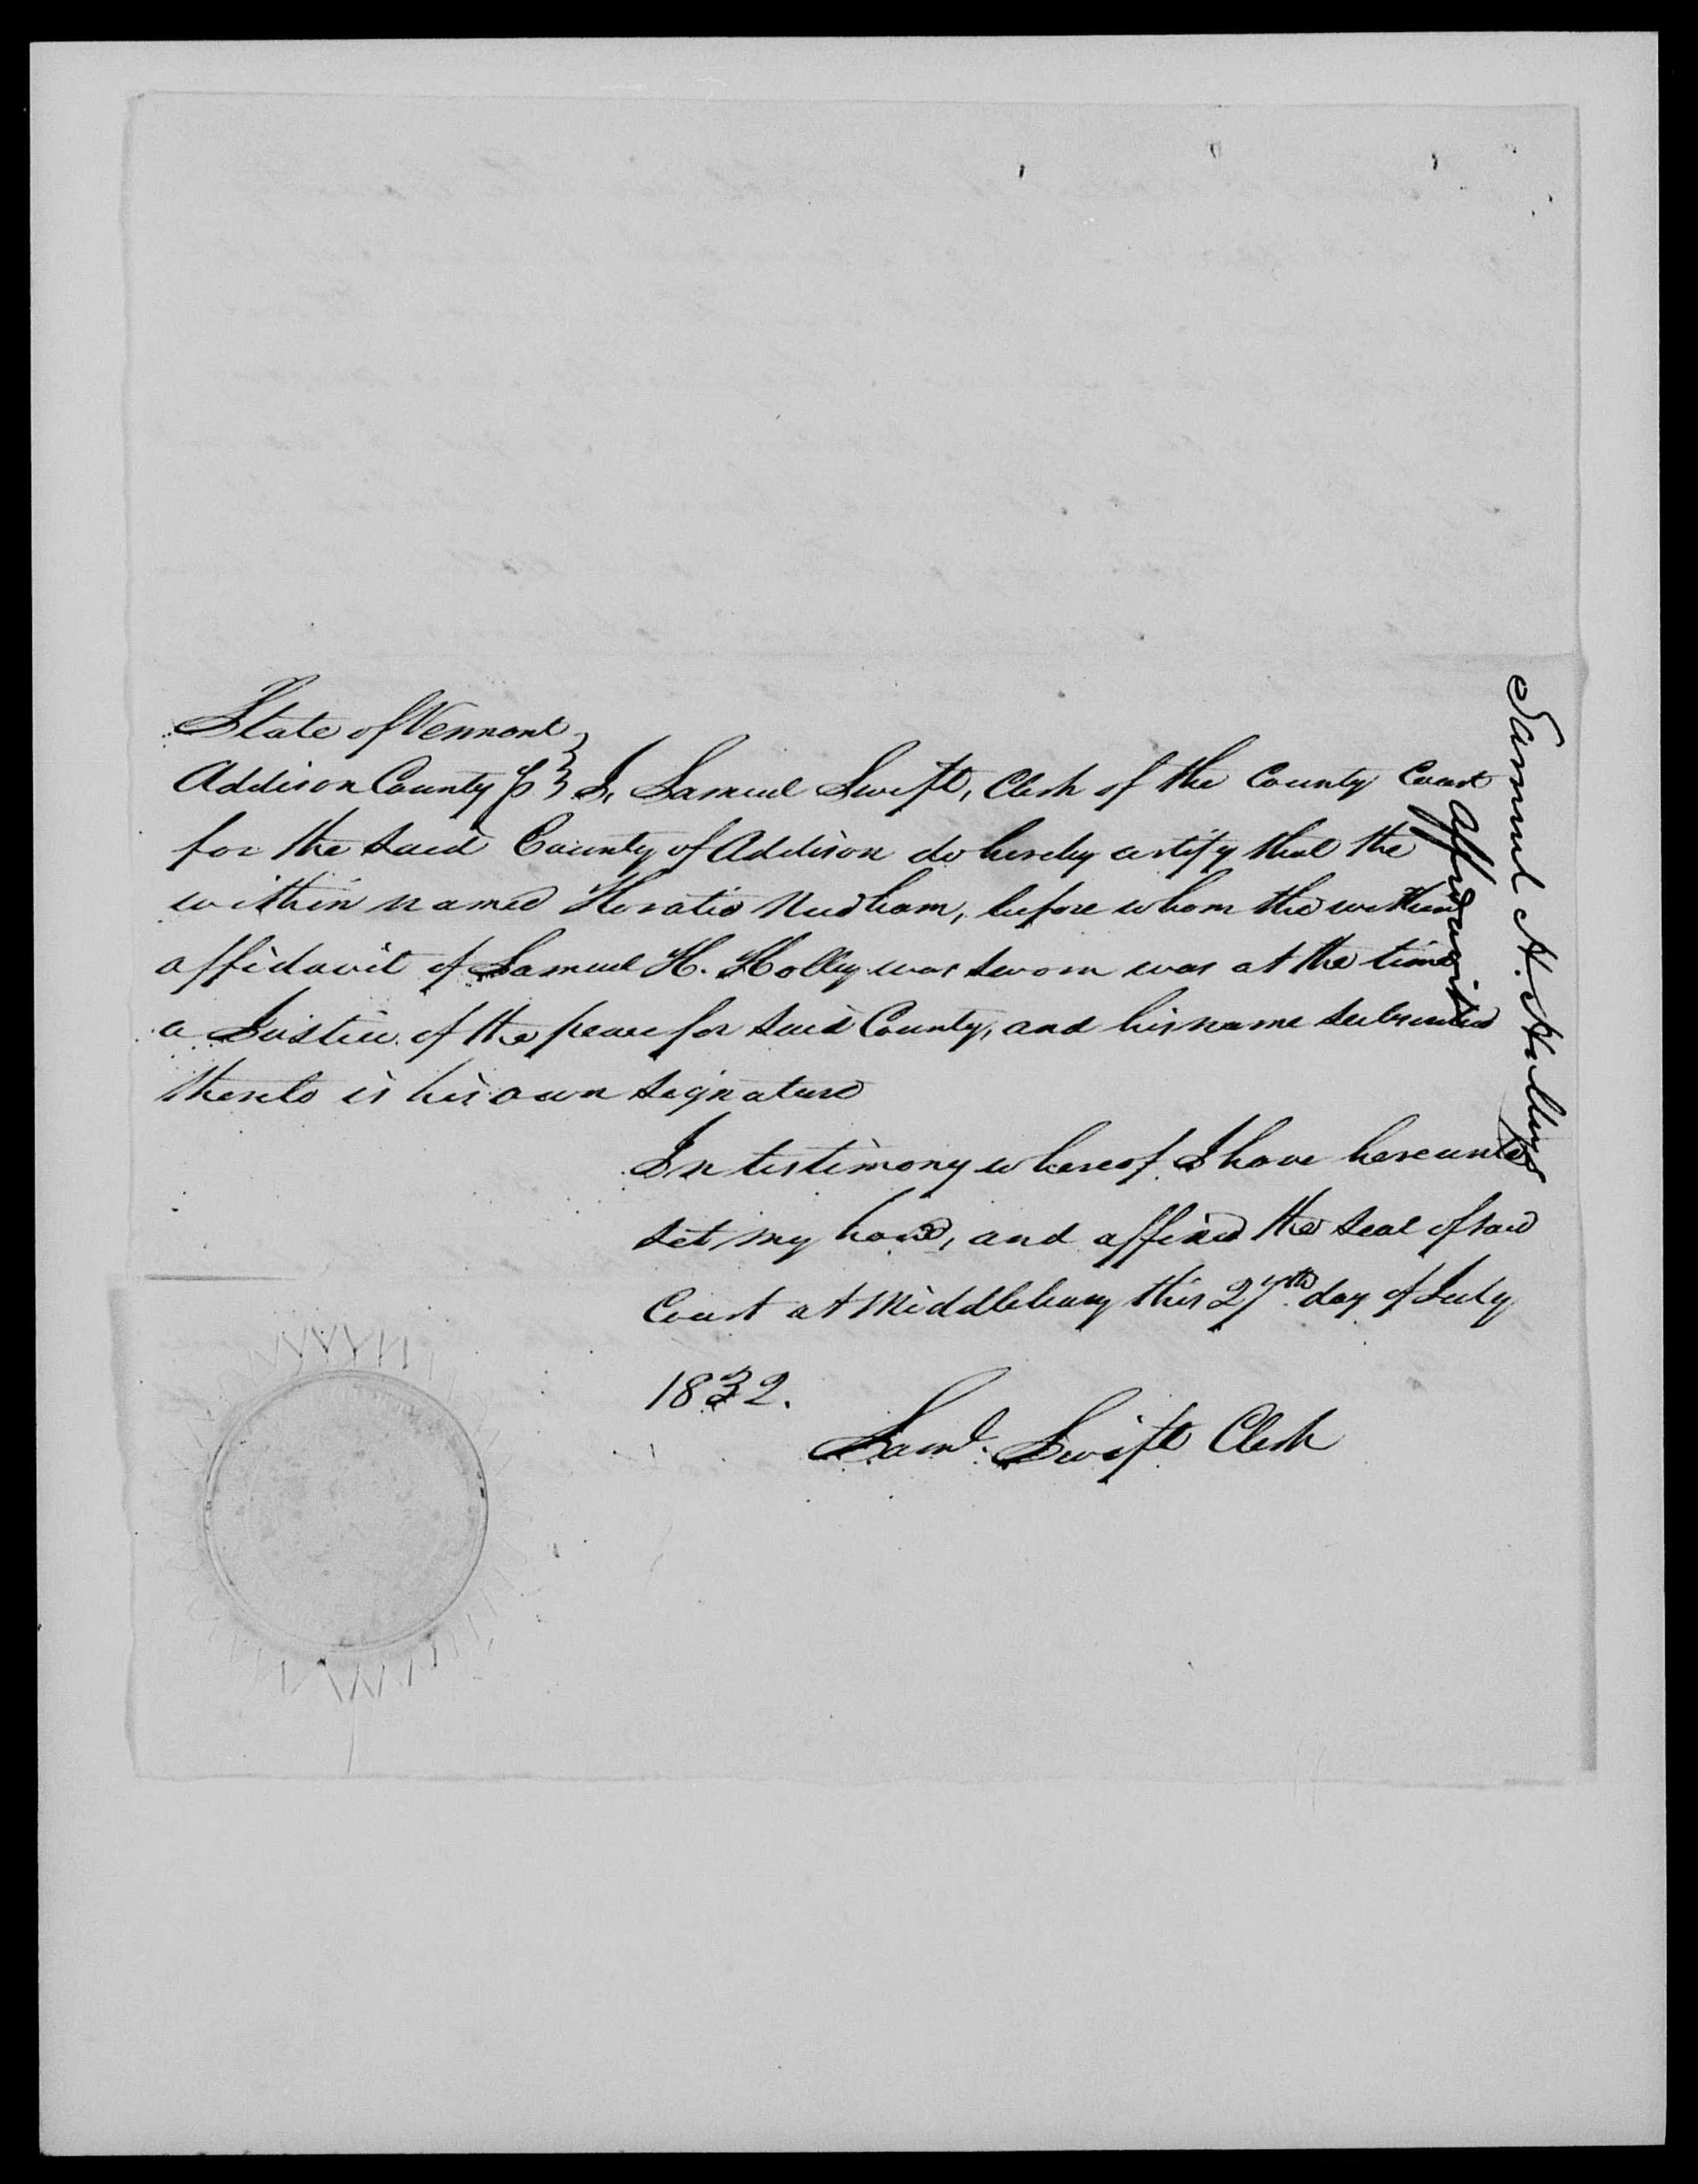State of Vermont
Addison County I. Samuel Swift, Clerk of the County 
for the said County of Addison do hereby certify that the
within named Horatio Needham, before whom the within
affidavit of Samuel H. Holley was sworn was at the time
a Justice of the peace for said County, and his name subscribed
thereto is his own signature

In testimony whereof I have hereunto
set my have, and affixed the seal of said
Court at Middlebury this 24th day of July
1832,
Saml Swift Clerk

[sideways]
Samuel H. Holley's
Affidavit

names: Samuel H Holley, Samuel H Holley, Saml Swift, Samuel Swift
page: 44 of 62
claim: widow's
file: W. 21391, Robert Holley, Conn.